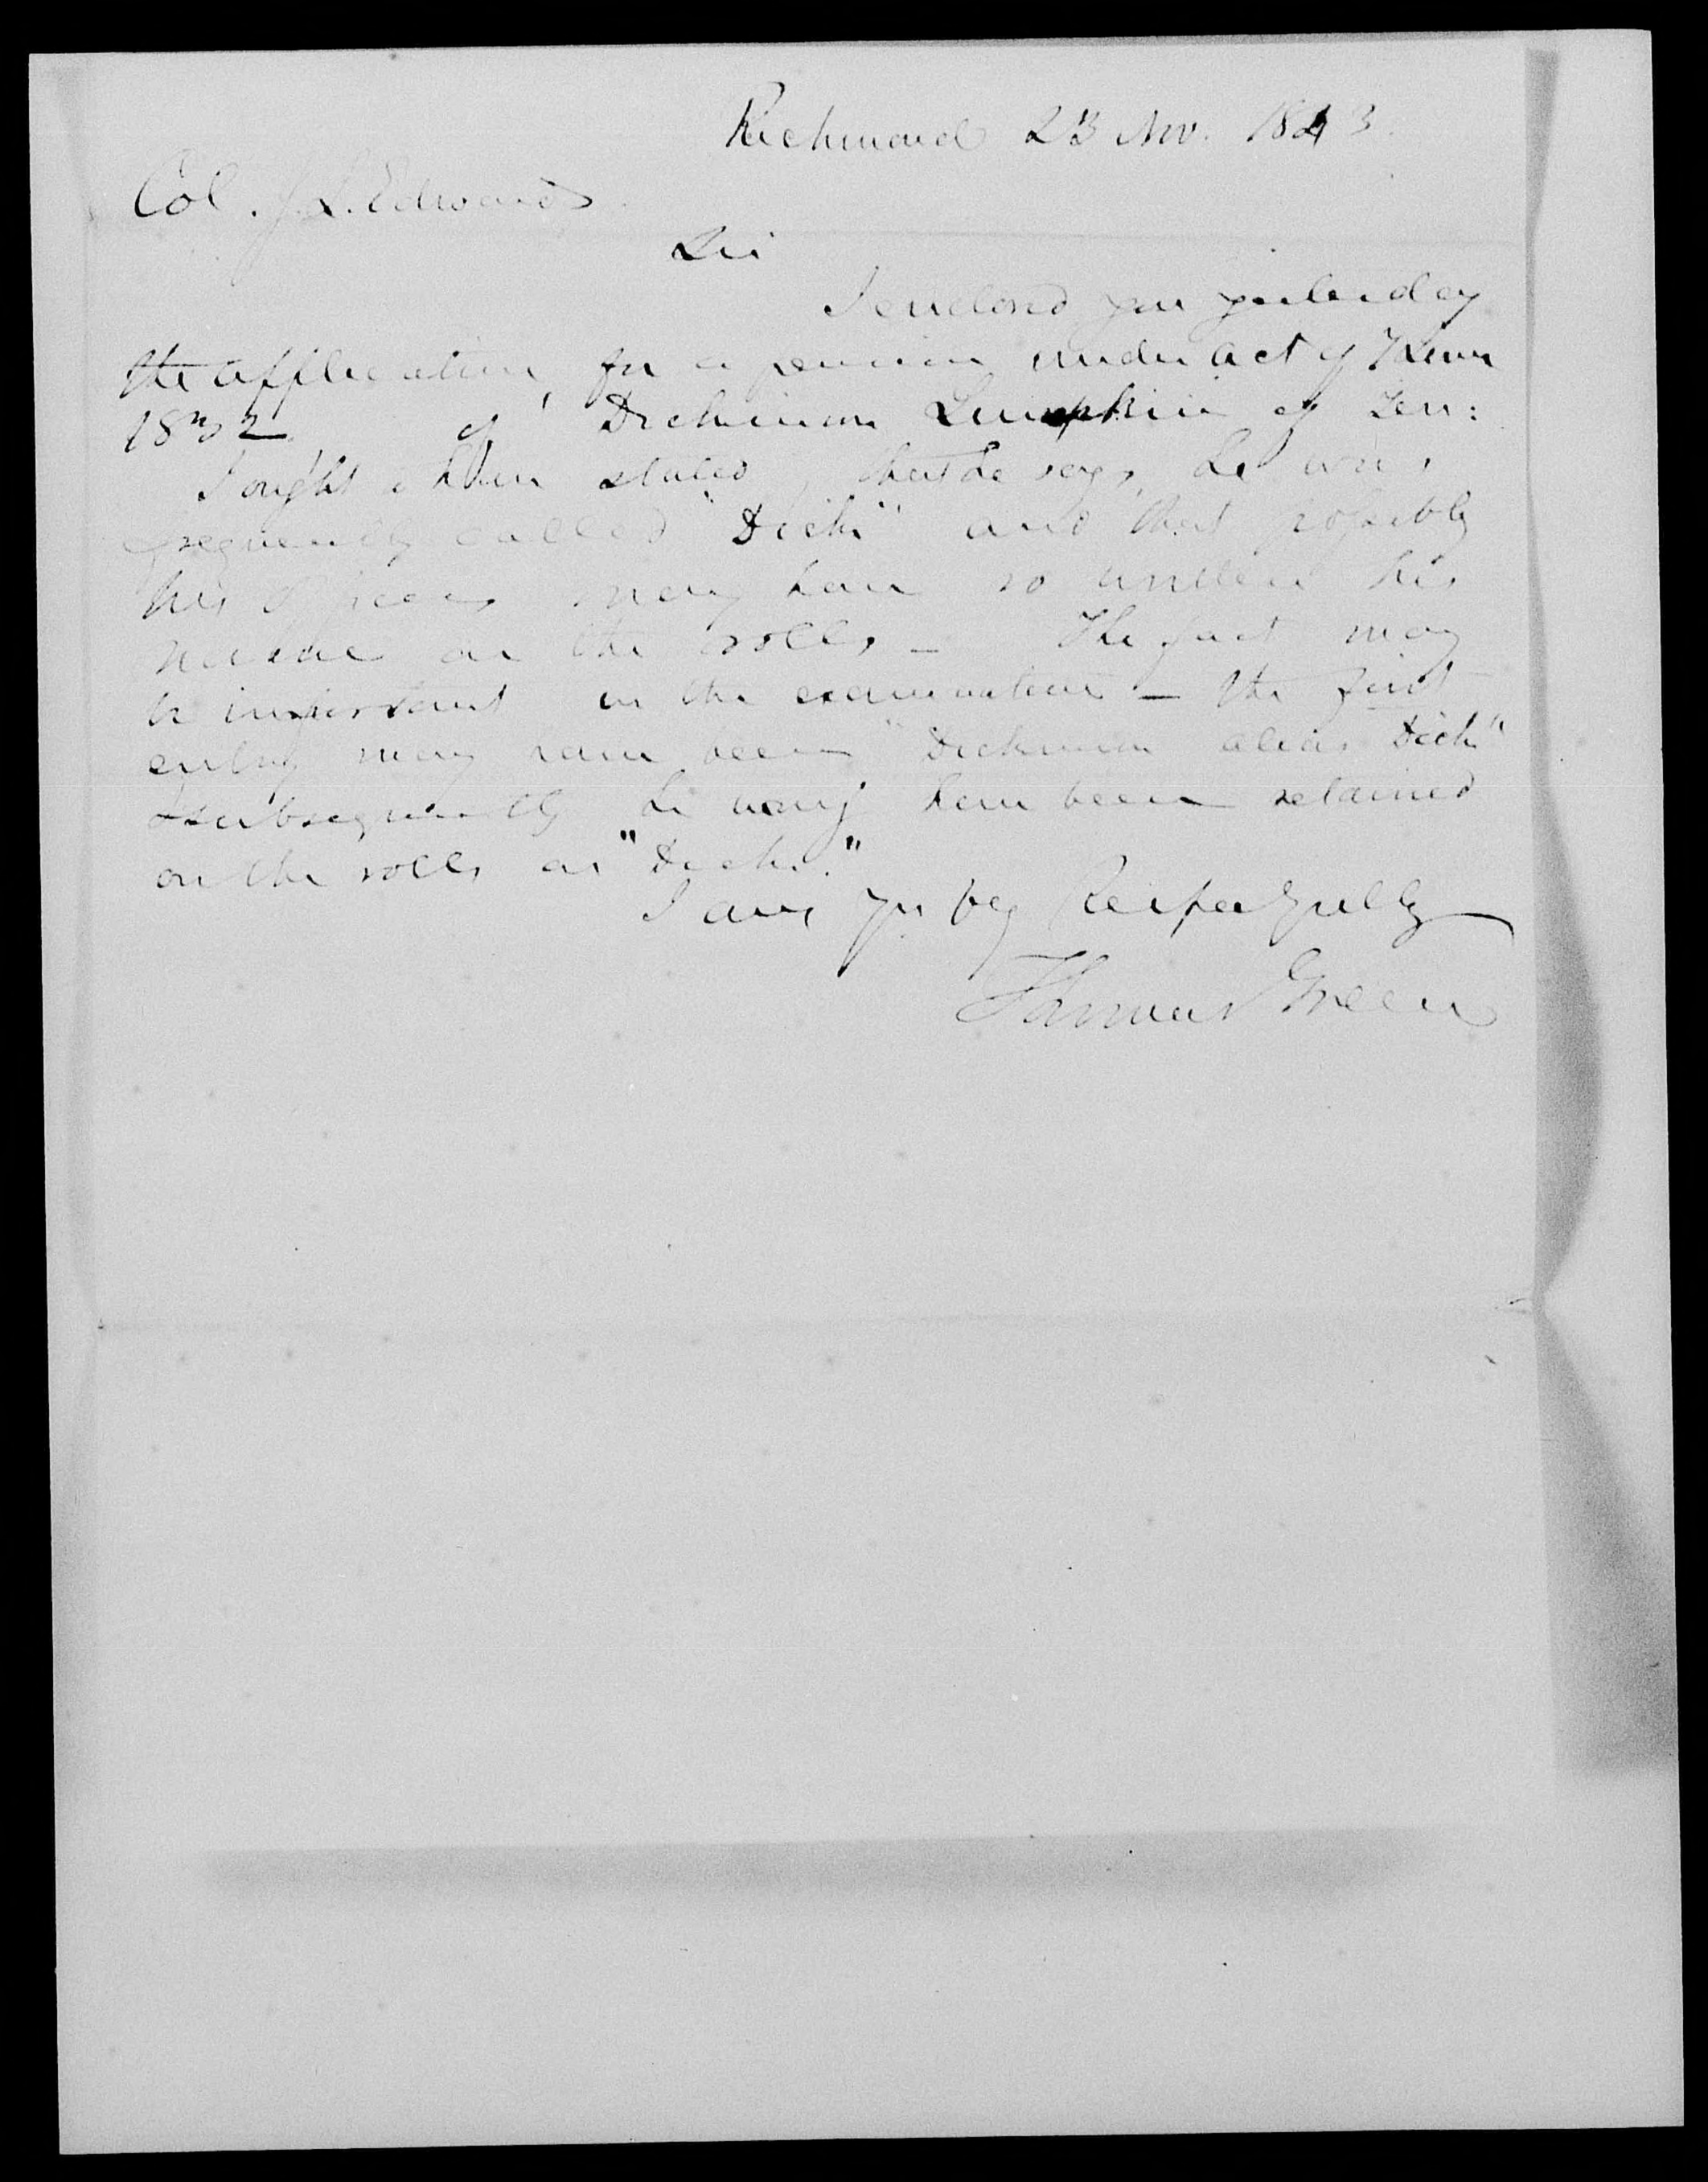(Handwritten document)

Richmond 23 Nov. 1843

Col. J. L. Edwards

Sir

I enclosed you yesterday the application for a pension under act of (illegible) 1832 of 
Dickinson Lumpkin of Tenn

Fought (illegible) stated that he says, he was
frequently called "Dick" and that possibly
his officers may have so written his name on the rolls-The fact may be important in the examination - the first entry may had been "Dickison alias Dick" subsequently he may have been retained on the rolls as "Dick."

 I am very Respectfully 
Thomas Green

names: Dickinson Lumpkin; J L Edwards; Thomas Green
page: 33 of 37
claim: rejected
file: R. 6521, for Dickeson Lumpkin, Pennsylvania